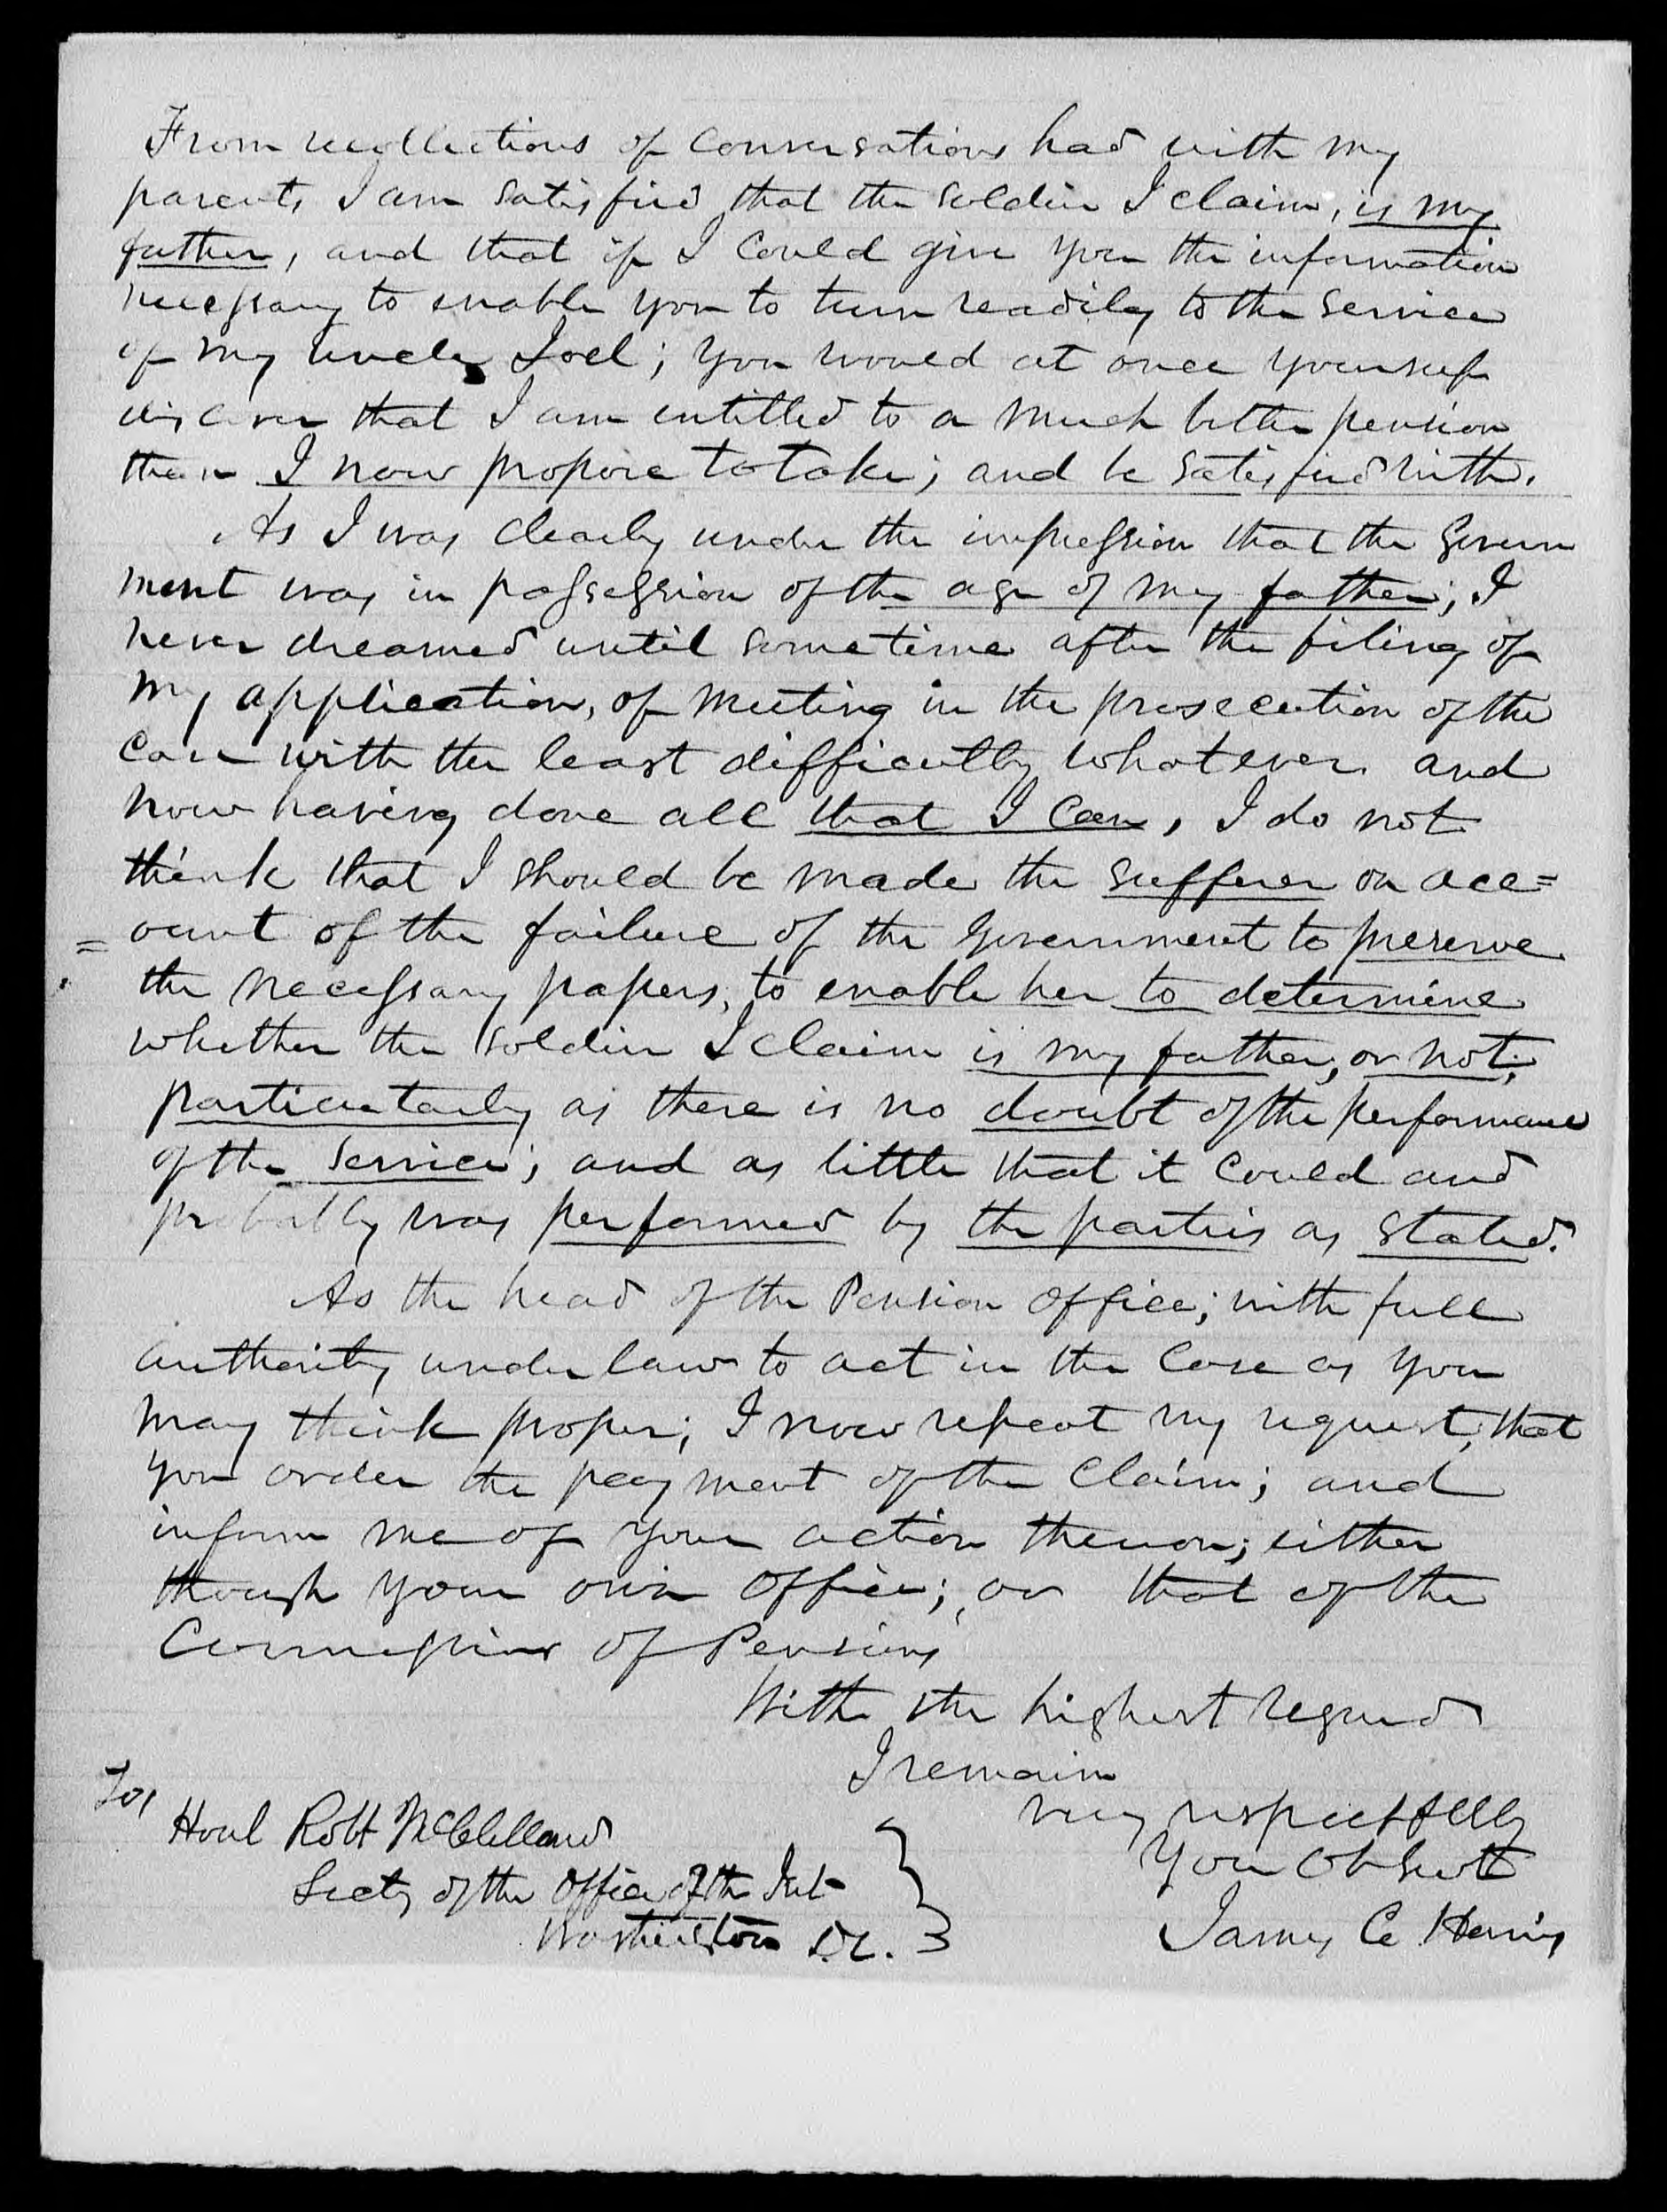From recollections of conversations had with my parents, I am satisfied that the soldier I claim, is my father, and that if I could give you the information necessary to enable you to turn readily to the service of my uncle Joel, you would at once yourself discover that I am entitled to a much better pension than I now propose to take; and be satisfied with.
As I was clearly under the impression that the Government was in possession of the age of my father, I never dreamed until sometime after the filing of my application, of meeting in the prosecution of the case with the least difficulty whatever and now having done all that I can, I do not think that I should be made the sufferer on account of the failure of the Government to preserve the necessary papers, to enable her to determine whether the soldier I claim is my father, or not, particularly as there is no doubt of the performance of the service; and as little that it could and probably was performed by the parties as stated.
As the head of the Pension Office, with full authority under law to act in the case as you may think proper, I now repeat my request that you order the payment of the claim, and inform me of your action thereon, either through your own office, or that of the Commissioner of Pensions.
With the highest regard
I remain
very respectfully
Your ob Sevt
James C Harris

TO,
Honl Robt McClelland
Secty of the Office of the Int
Washington D.C.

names: Robt Mc Clelland, Joel, James C Harris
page: 57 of 160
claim: rejected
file: R. 4666, James Harris, Va.